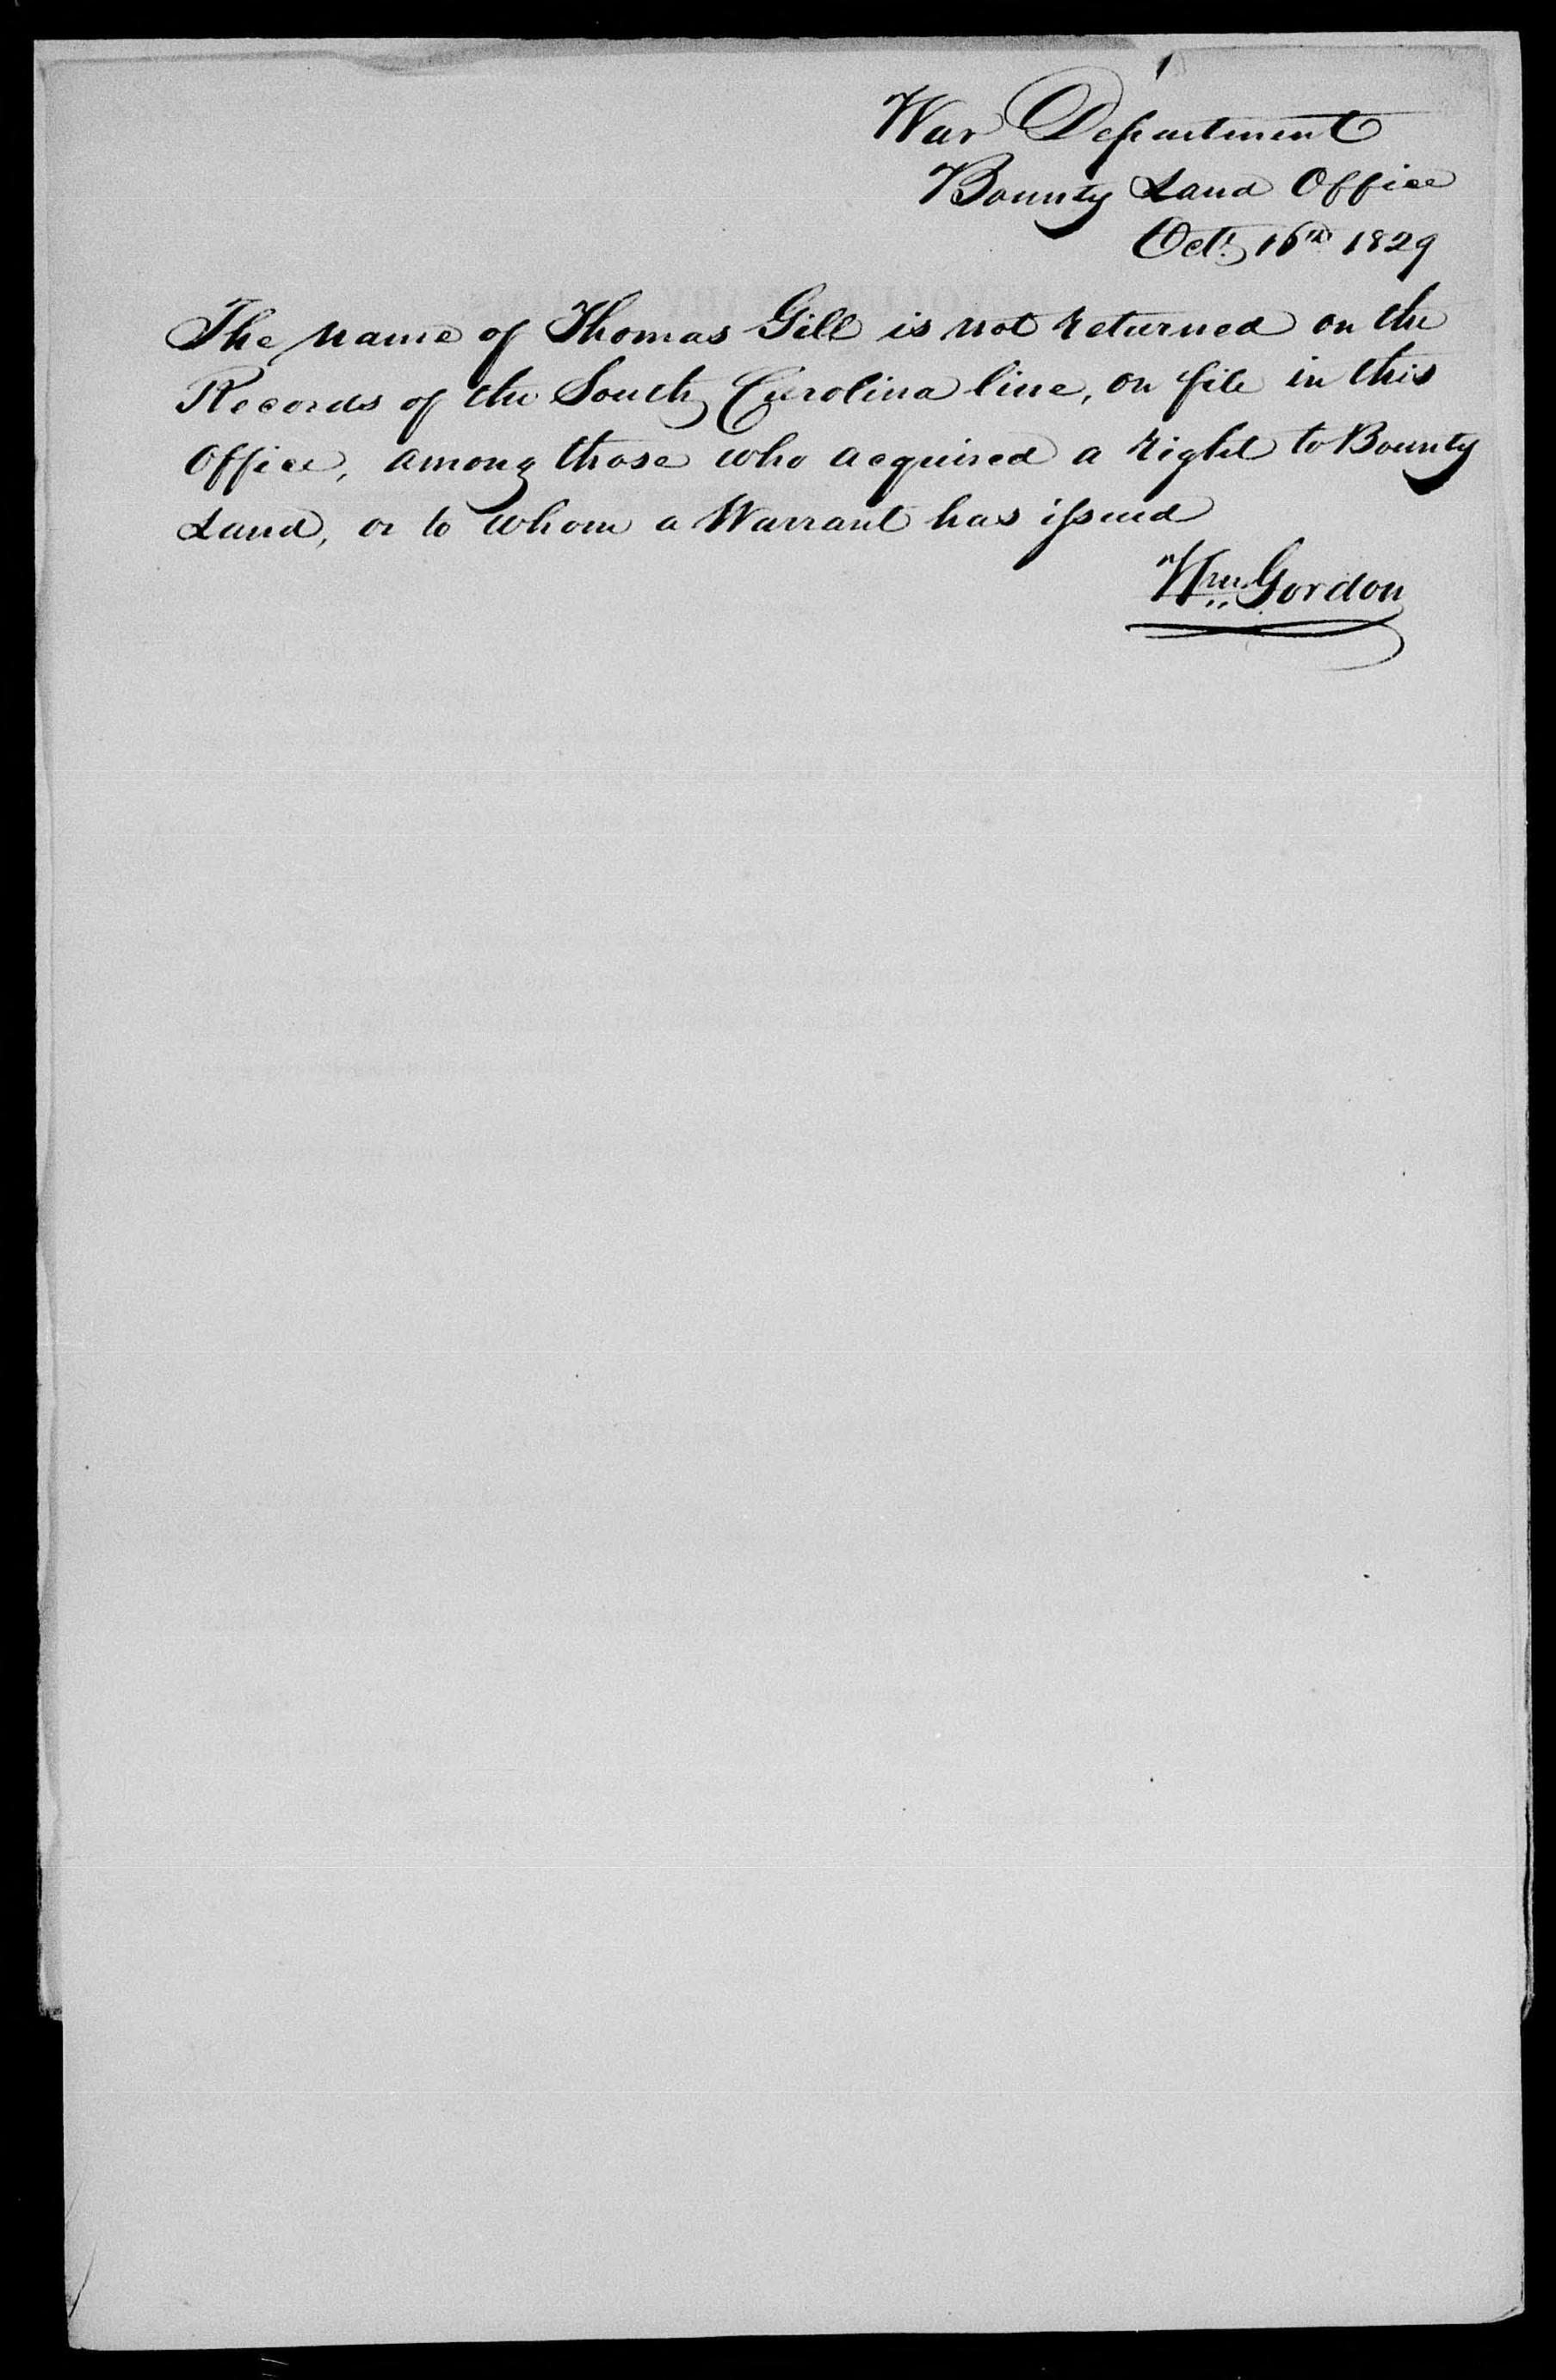War Department Bounty Land Office Oct 16th 1829  The name of Thomas Gill is not returned on the  Records of the  South Carolina line , on file in this office, among those who acquired a right to Bounty Land, or to whom a warrant was issued. Wm Gordon ( signed )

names: Thomas Gill, Wm Gordon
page: 23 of 44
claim: survivor's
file: S. 31,061, Thomas Gill, S.C.